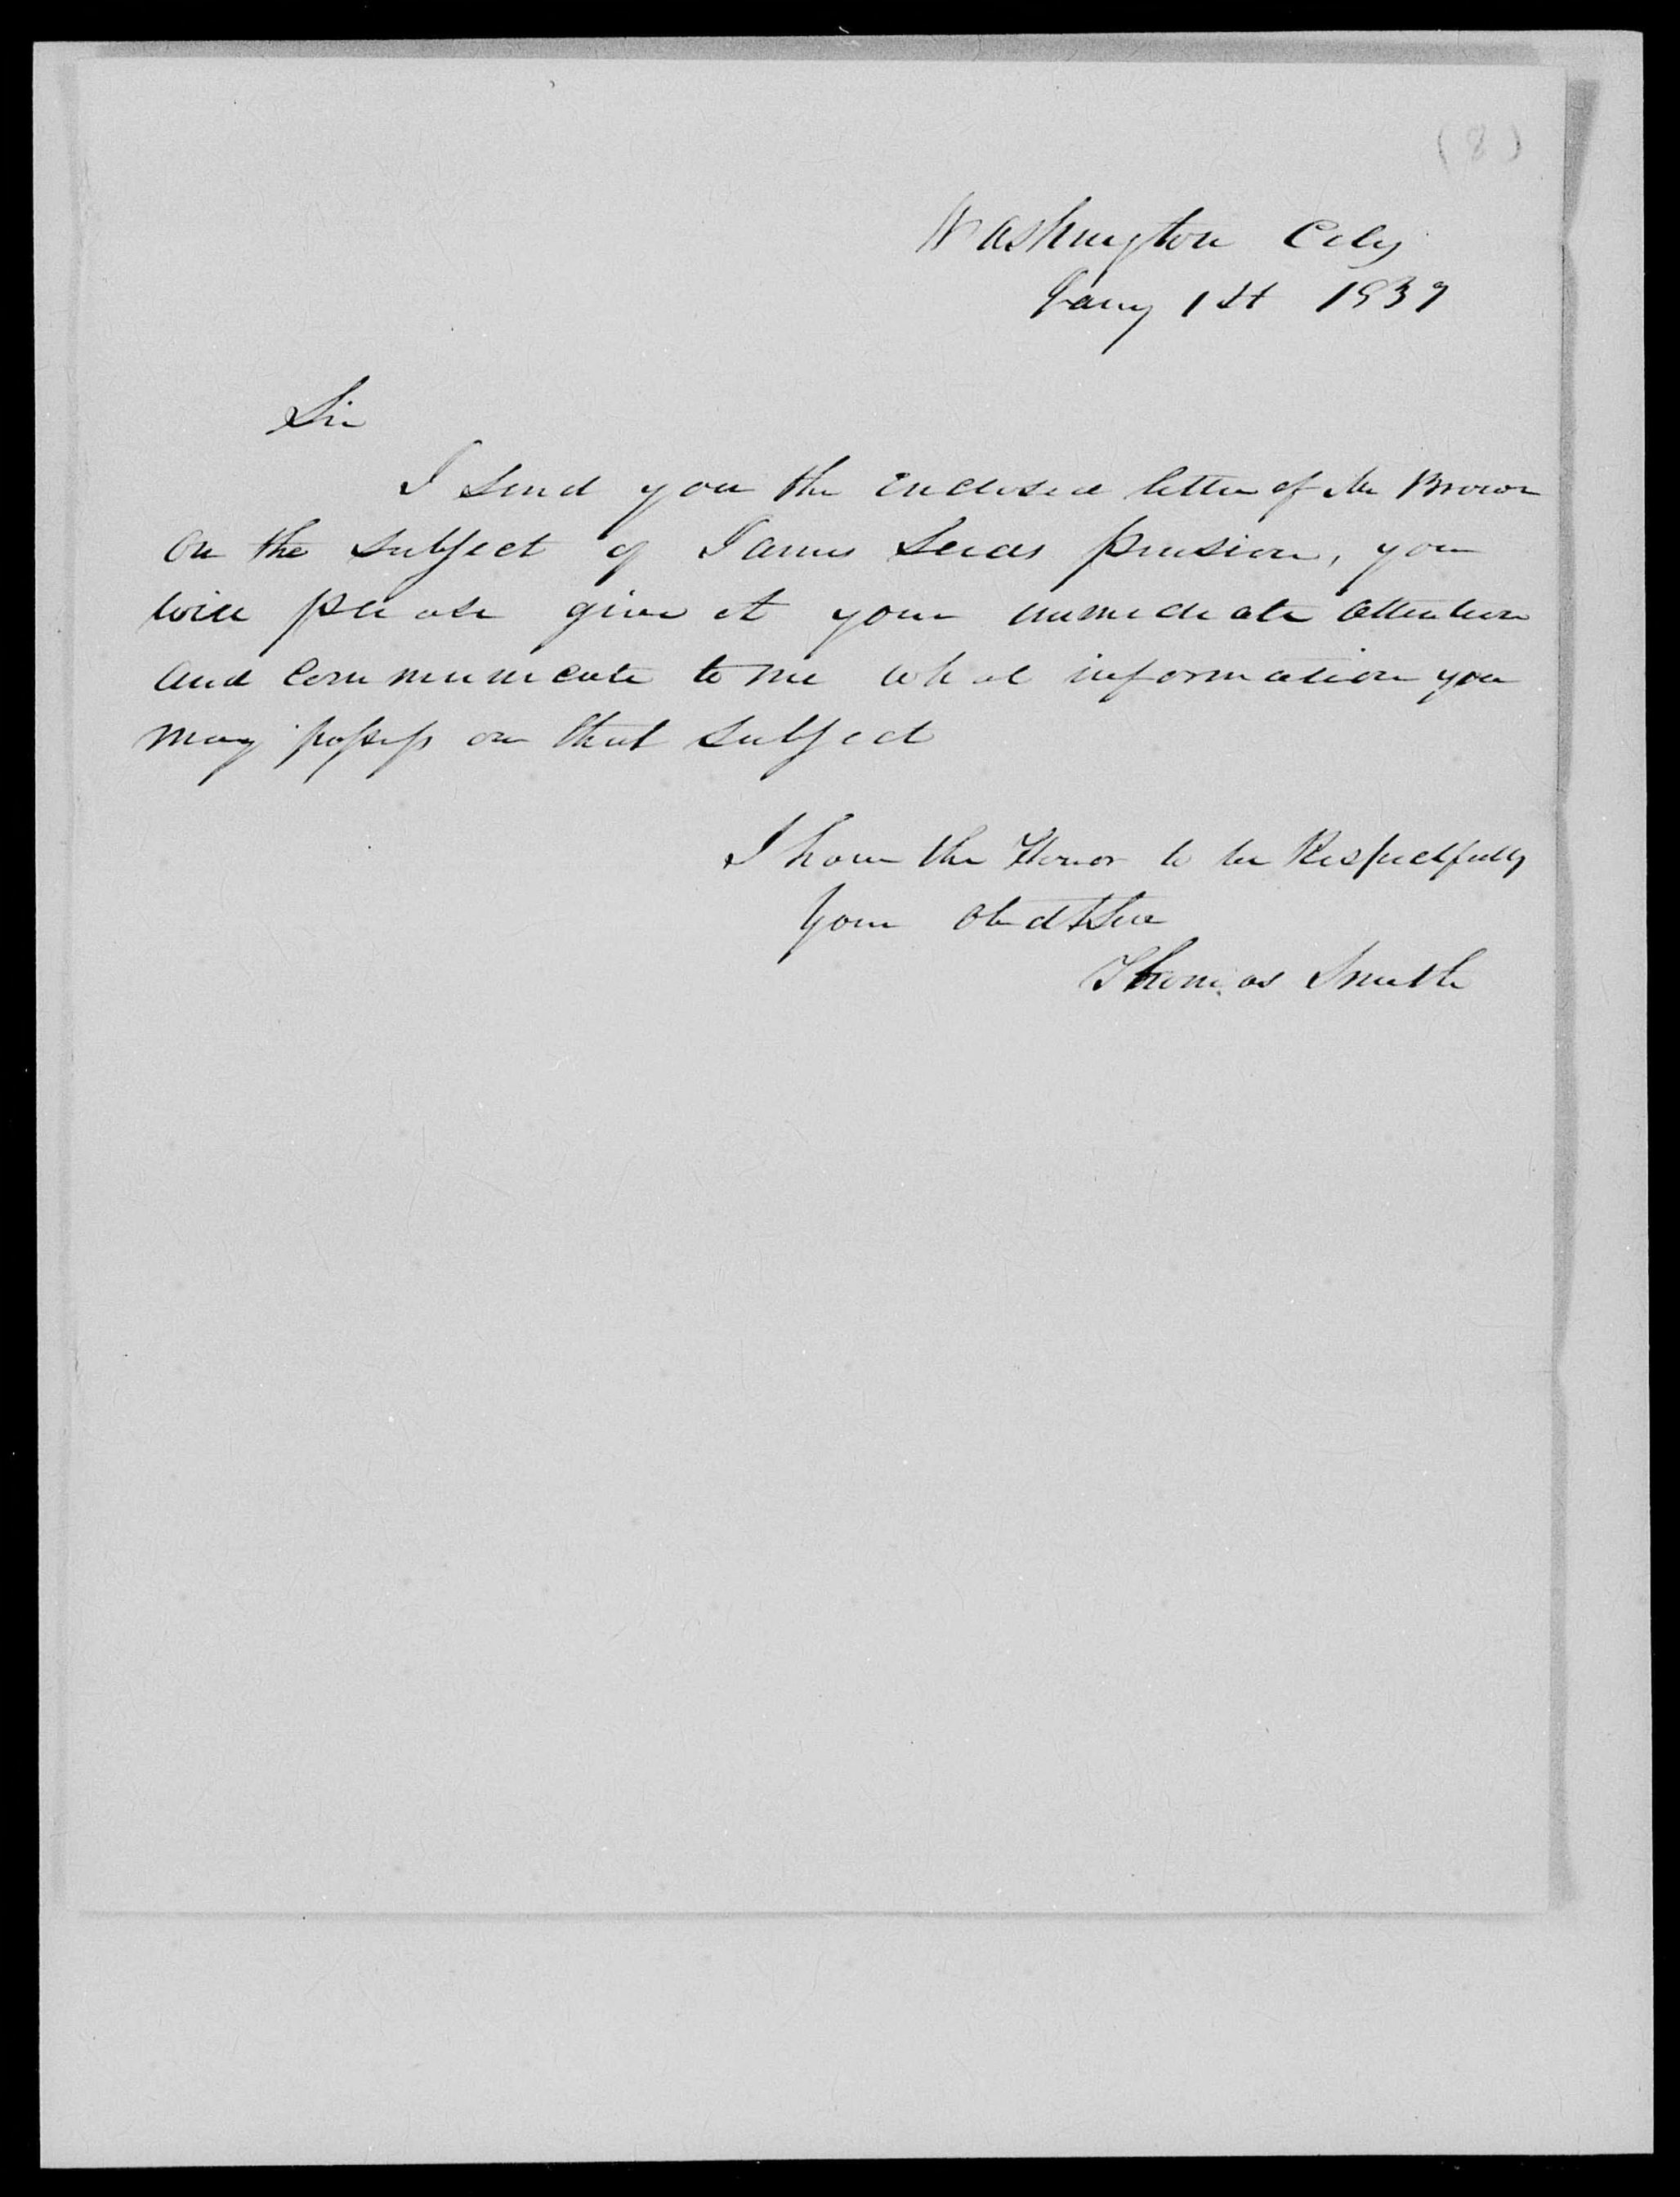[Top right page] (8)

Washington City
Jany 1 st 1937

Sir

I send you the enclosed letter of the Brown on the subject of James Leeds pension, you [illegible] [illegible] give it your immediate attention and communicate to me what information you may possess on that subject 

I have the honor to be Respectfully 
your obdt Serv
Thomas Smith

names: Thomas Smith; [BLANK] Brown; James Seras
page: 31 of 38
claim: survivor's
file: S 31817, for James Leeds, New Jersey